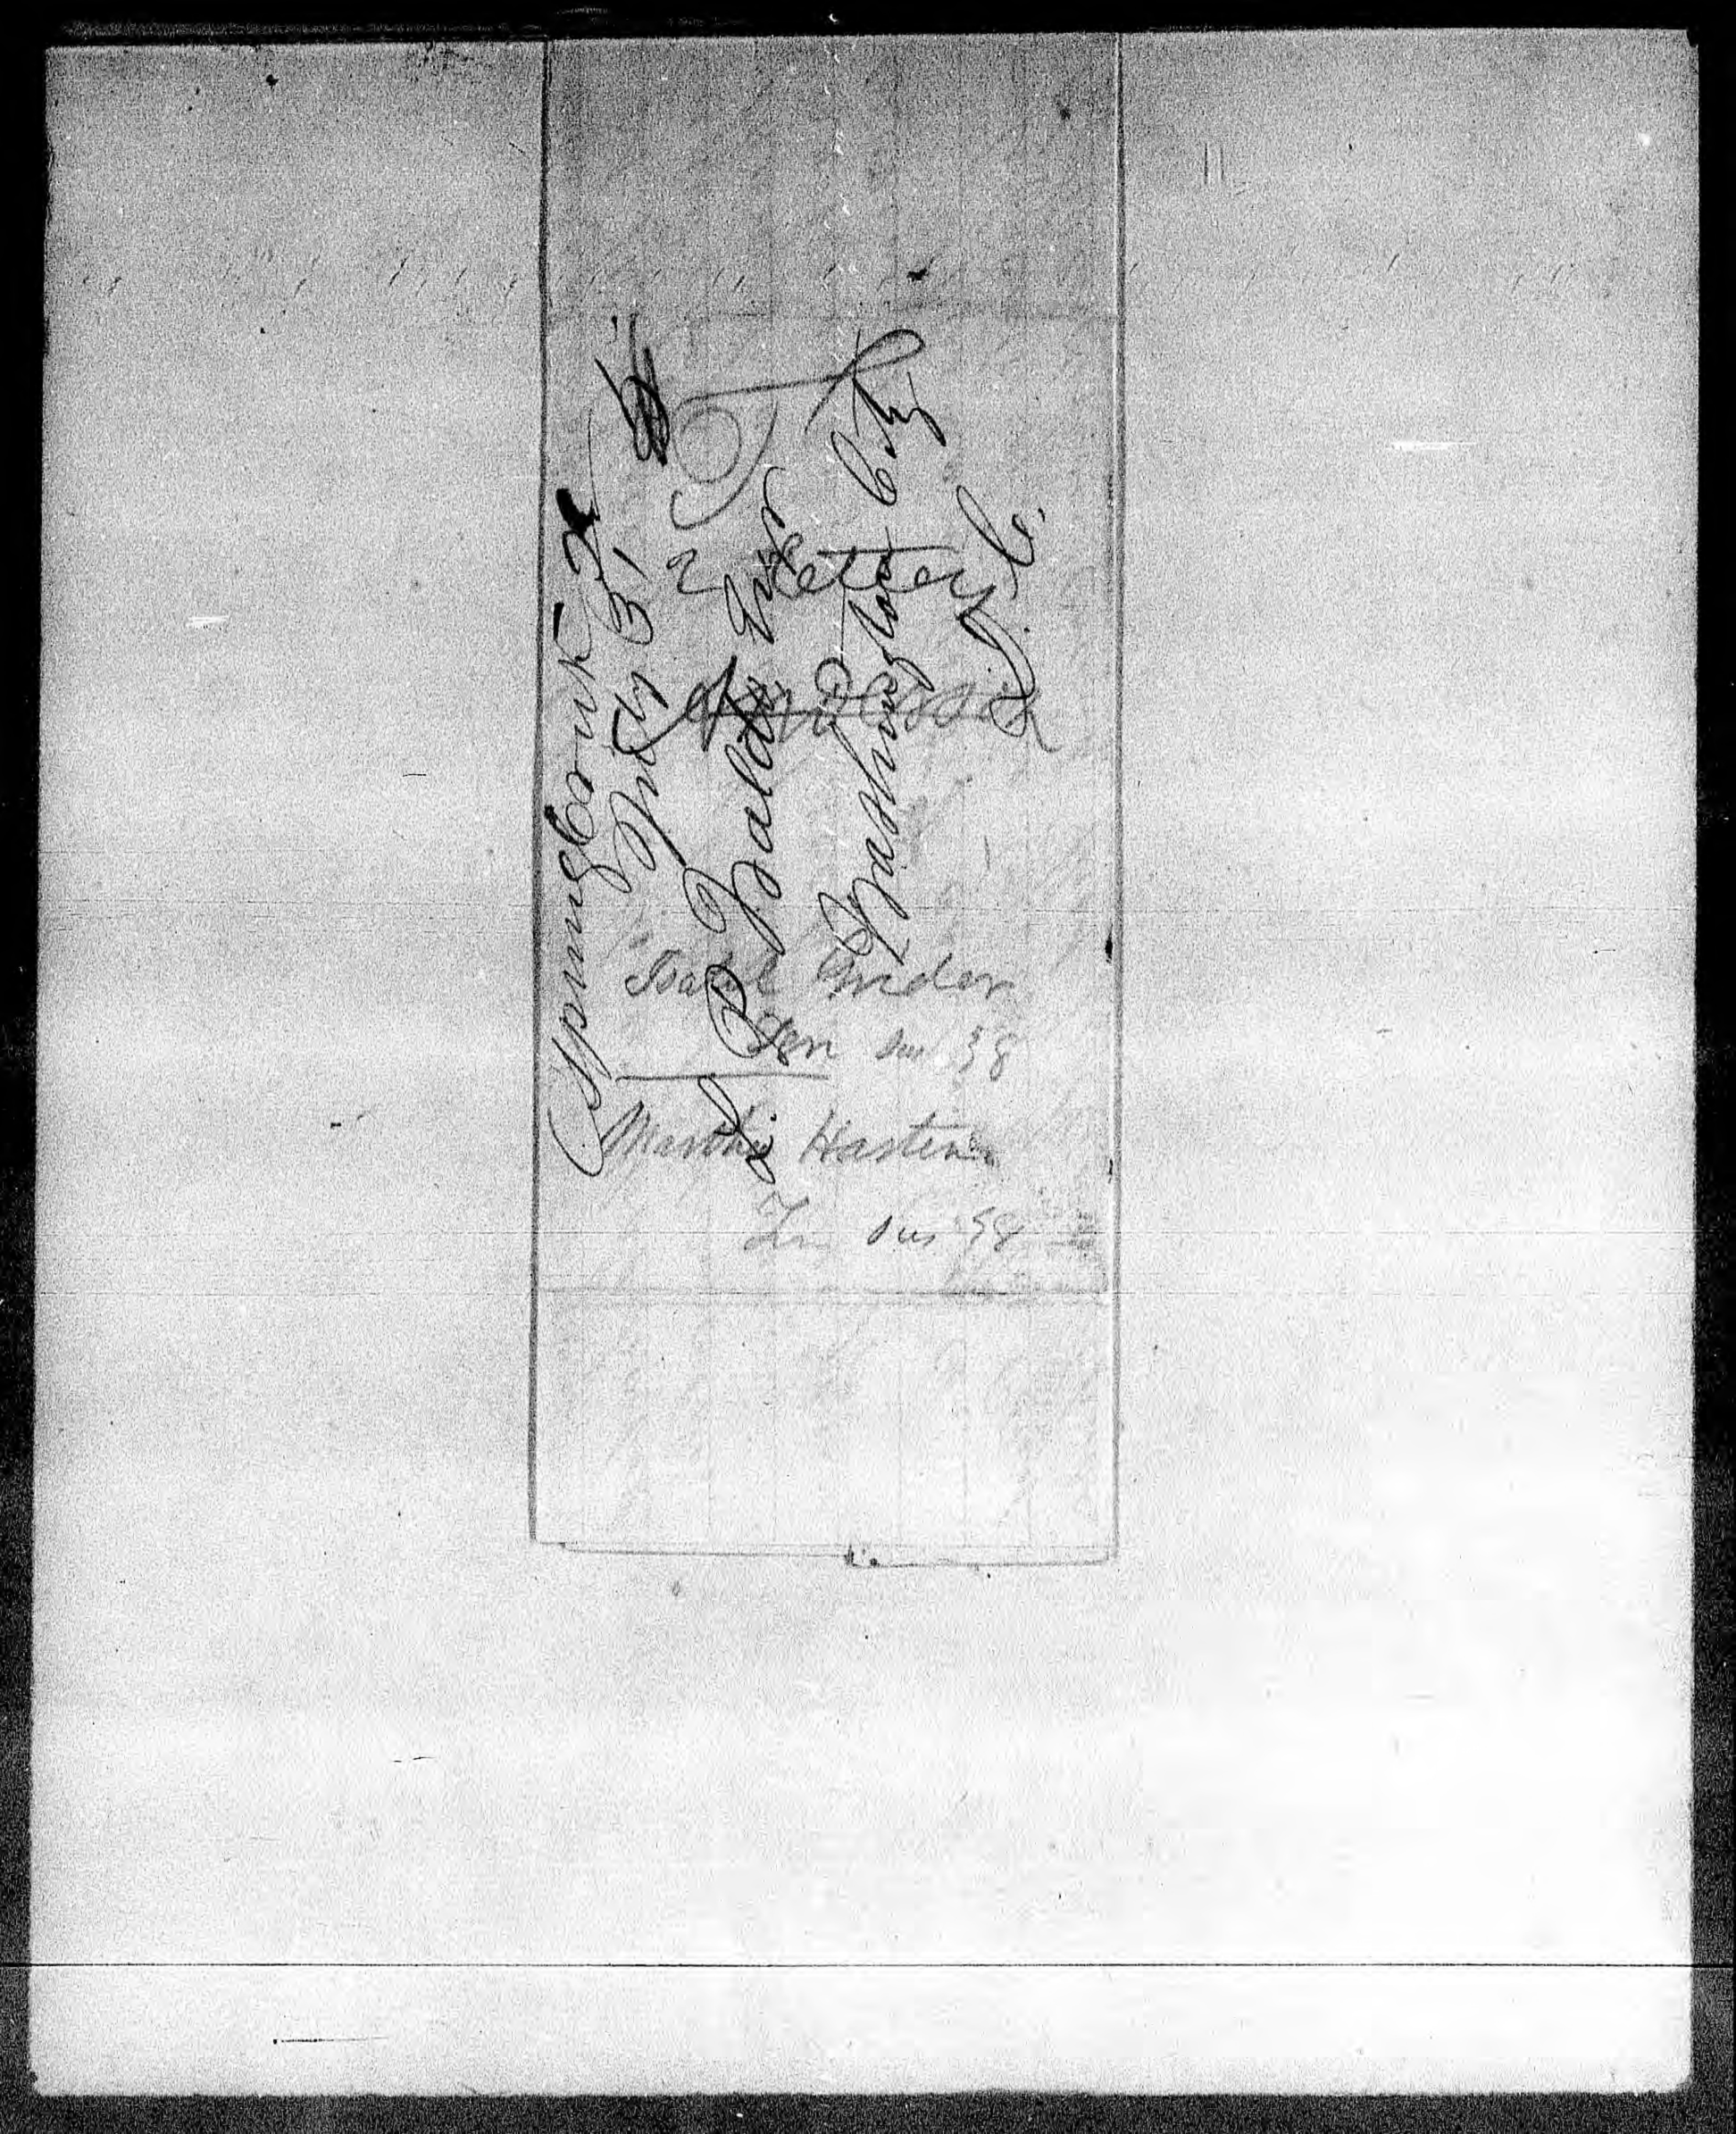Spring Creek TN
July 31

L. P. Waldo 
Wahsington City
D.C.

Isabel Grider 
Ten Jun 38

Martha Hasten
[illegible]  sus 58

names: Isabel Grider, Martha Hasten, L P Waldo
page: 57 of 91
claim: widow's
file: W 358, John Grider, N.C.